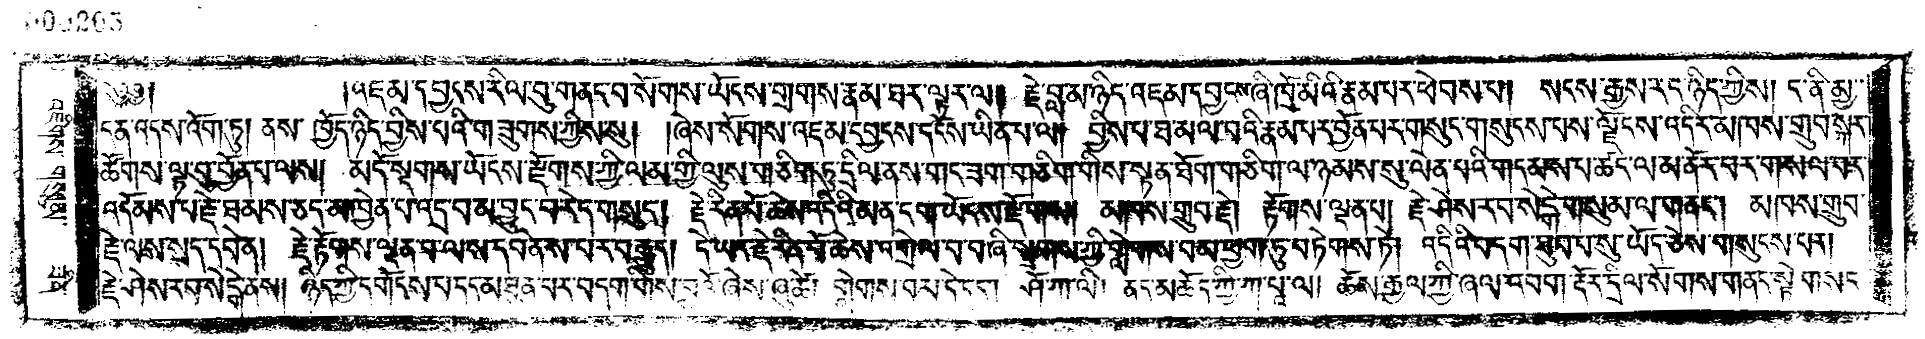༄༅། །འཇམ་དབྱངས་རིལ་བུ་གནང་བ་སོགས་ཡོངས་གྲགས་རྣམ་ཐར་ལྟར་ལ། རྗེ་བླ་མ་ཉིད་འཇམ་དབྱངས་ཞི་ཁྲོ་མིའི་རྣམ་པར་ཕེབས་པ། སངས་རྒྱས་རང་ཉིད་ཀྱིས། ང་ནི་མྱ་
ངན་འདས་འོག་ཏུ། ནས་ཁྱོད་ཉིད་བྱིས་པའི་གཟུགས་ཀྱིས་སུ། །ཞེས་སོགས་འཇམ་དབྱངས་དངོས་ཡིན་པ་ལ། བྱིས་པ་ཐ་མལ་བའི་རྣམ་པར་བྱོན་པར་གསུང་གསུངས་པས་ལྗོངས་འདིར་མཁས་གྲུབ་སྐར་
ཚོགས་ལྟ་བུ་བྱོན་པ་ལས། མདོ་སྔགས་ཡོངས་རྫོགས་ཀྱི་ལམ་གྱི་ལུས་གཅིག་ཏུ་དྲིལ་ནས་གང་ཟག་གཅིག་གིས་སྟན་ཐོག་གཅིག་ལ་ཉམས་སུ་ལེན་པའི་གདམས་པ་ཚང་ལ་མ་ནོར་བར་གསལ་བར་
འདོམས་པ་རྗེ་ཐམས་ཅད་མཁྱེན་པ་འདྲ་བ་མ་བྱུང་བ་རེད་གསུང་། རྗེ་རིན་པོ་ཆེས་འདིའི་མན་ངག་ཡོངས་རྫོགས། མཁས་གྲུབ་རྗེ། རྟོགས་ལྡན་པ། རྗེ་ཤེས་རབ་སེངྒེ་གསུམ་ལ་གནང་། མཁས་གྲུབ་
རྗེ་ལས་སྲད་དབེན། རྗེ་རྟོགས་ལྡན་པ་ལས་དབེན་ས་པར་བརྒྱུད། དེ་ཡང་རྗེ་རིན་པོ་ཆེས་འགྲེལ་བ་བཞི་སྦྲགས་ཀྱི་གླེགས་བམ་ཕྱག་ཏུ་བཏེགས་ཏེ། འདིའི་བདག་ཐུབ་པ་སུ་ཡོད་ཅེས་གསུངས་པར།
རྗེ་ཤེས་རབ་སེངྒེ་ནས། ཉིད་ཀྱི་དགོངས་པ་དང་མཐུན་པར་བདག་གིས་བྱའོ་ཞེས་ཞུ་ཚེ། གླེགས་བམ་དེ་དང་། ཤོ་ཀ་ལི། ནང་མཆོད་ཀྱི་ཀ་པཱ་ལ། ཆོས་རྒྱལ་གྱི་ཞལ་འབག་རྡོར་དྲིལ་སོགས་གནང་སྟེ་གསང་